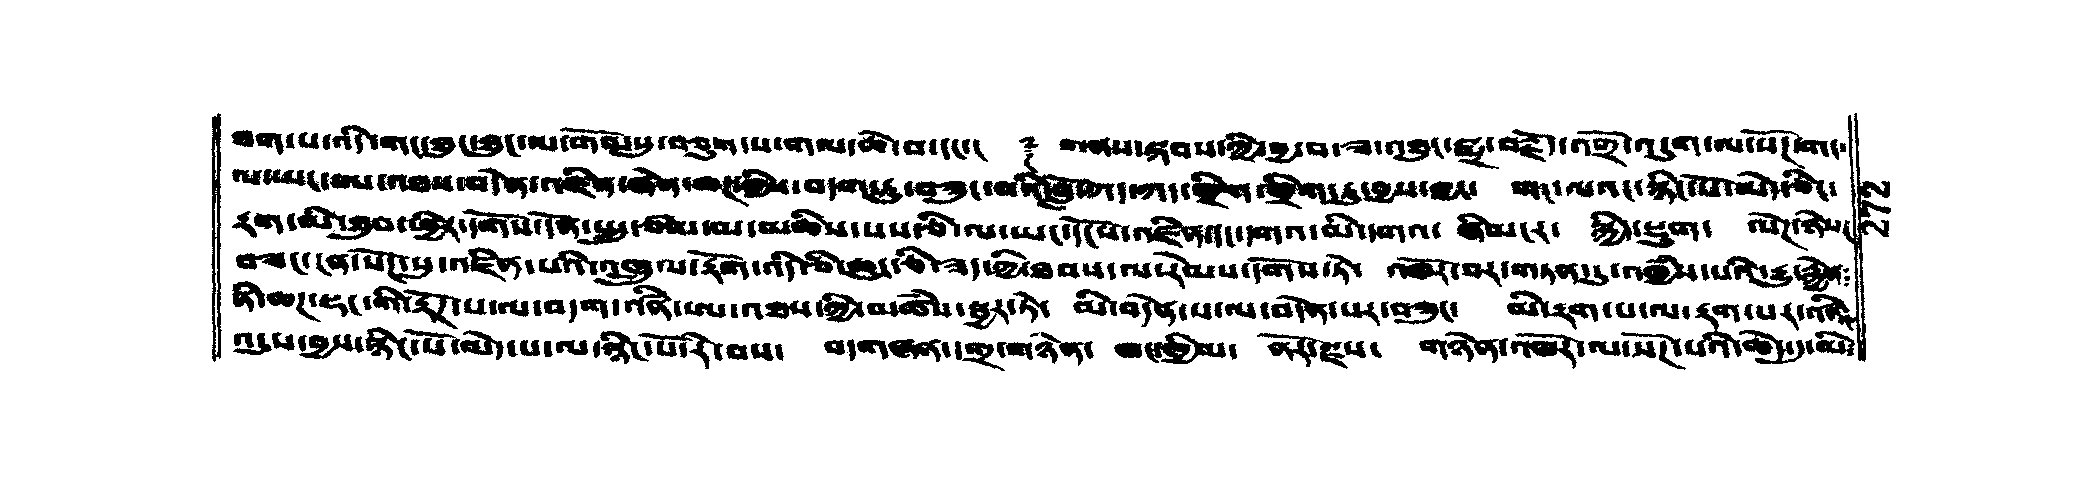ཐག་པ་འདི་གང་ཐུང་ཐུང་ལ་གོམས་སུ་བཅུག་པ་གལ་ཆེ་བ་དང་། ༈ གནས་སྐབས་ཀྱི་བྱ་བ་ཟ་འཐུང་སྨྲ་བརྗོད་འགྲོ་འདུག་ལ་སོགས་རང་
ལ་ཡང་ཨ་འཐས་བདེན་འཛིན་ཞེན་ཆགས་གྱིས་བདག་ཏུ་བཟུང་བའི་བློ་ཀད་ཀད་ཁྲིག་ཁྲིག་ཏུ་བྱས་ཀྱང་། གང་ལའང་སྙིང་པོ་མེད་ཅིང་
རྟག་མི་ཐུབ་ཕྱིར་དགོས་དོན་སྤུ་ཙམ་མ་མཆིས་པས་ཅི་ལ་ཡང་དངོས་འཛིན་དང་དགའ་མི་དགའ། ཞིམ་ངར། སྐྱིད་སྡུག ལེགས་ཉེས། 
བཟང་ངན་སོགས་སུ་འཛིན་པའི་འཁྲུལ་རྟོག་འདི་ཅི་ཆུང་ཅི་ཟད་ཀྱི་ཐབས་ལ་རེམས་དགོས་ཏེ། འཁོར་བར་གཏན་དུ་འཁྱམས་པའི་རྒྱུ་རྐྱེན་
ནི་ཆངས་སྡང་གི་རྟོག་པ་ལ་བདག་འཛིན་ཨ་འཐས་ཀྱི་མཚམས་སྦྱར་ཏེ། མི་བདེན་པ་ལ་བདེན་པར་བཟུང་། མི་རྟག་པ་ལ་རྟག་པར་འཛིན། 
འདུས་བྱས་སྙིང་པོ་མེད་པ་ལ་སྙིང་པོར་རེ་བས། བདག་གཞན་དགྲ་གཉེན། ཁང་ཁྱིམ། ནོར་རྫས། གཉེན་འཁོར་ལ་སོགས་པའི་ཆེད་དུ་མི་